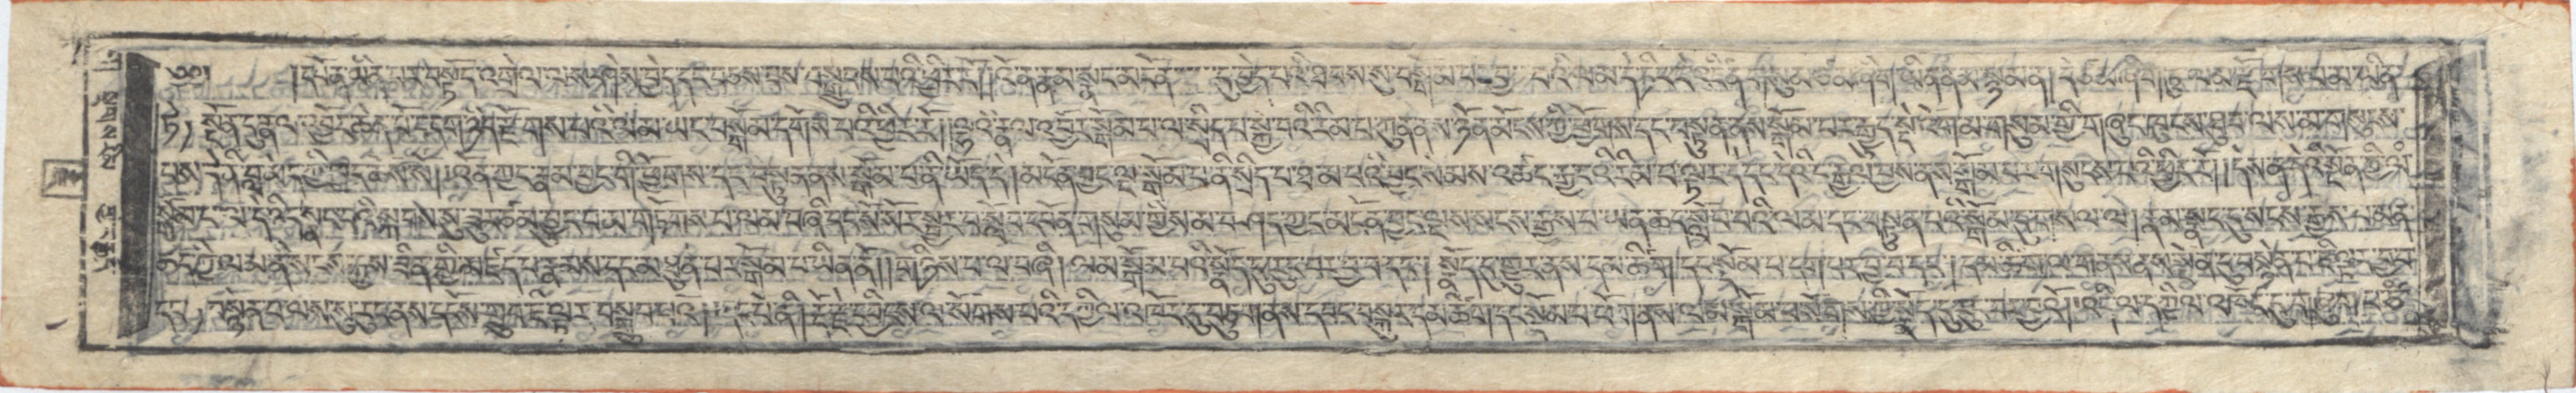༄༅། །དཔོན་ཡིན་པར་བསྟོད་འགྲེལ་ལས་ཤེས་བྱེད་དང་བཅས་པས་བསྒྲུབས་པའི་ཕྱིར་རོ། །འོ་ན་རྣམ་སྣང་མངོན་དུ་བྱེད་པའི་ཐབས་སུ་བསྒོམ་པར་བྱེ་བའི་ལམ་དེ་ཏིང་ངེ་འཛིན་གསུམ་ཙམ་ཞིག་ཡིན་ནམ་སྙམ་ན། དེ་ཙམ་ཞིག་ཏུ་ལམ་རྫོགས་པ་མ་ཡིན་
ཏེ༑ སྔོན་དུ་རྣལ་འབྱོར་ཆེན་པོ་བདག་ཉིད་རྫོགས་པའི་ལམ་ཡང་བསྒོམ་དགོས་པའི་ཕྱིར་རོ། །ལྷའི་རྣལ་འབྱོར་སྒོམ་པ་ལ་སྲིད་པ་སྐྱེ་བའི་རིམ་པ་ཀུན་ནས་ཉོན་མོངས་ཀྱི་ཕྱོགས་དང་བསྟུན་ནས་སྒོམ་པར་རྒྱུད་སྡེ་འོག་མ་གསུམ་གྱི་གཞུང་ཁུངས་ཐུབ་ལས་མ་གསུངས་
པས་དེ་ནི་བླ་མེད་ཀྱི་ཁྱད་ཆོས་སོ། །འོན་ཀྱང་རྣམ་བྱང་གི་ཕྱོགས་དང་བསྟུན་ནས་སྒོམ་པ་ནི་ཡོད་དེ། མངོན་བྱང་ལྔ་སྒོམ་པ་ནི་སྲིད་པ་ཐ་མ་པའི་བྱང་སེམས་འཚང་རྒྱ་བའི་རིམ་པ་ལྟར་དེ་དང་དེའི་ང་རྒྱལ་བྱས་ནས་སྒོམ་པར་གསུངས་པའི་ཕྱིར་རོ། །དེས་ན་དེའི་སྔོན་ཀྱི་ལམ་
སྒོམ་པ་ལ་དེ་ཉིད་སྣང་བའི་སྐབས་སུ་ཟུར་ཙམ་བྱུང་བ་མ་གཏོགས་པ་ལམ་བཞི་དང་སོ་སོར་སྦྱར་བ་སློབ་དཔོན་གསུམ་གྱིས་མ་བཤད་ཀྱང་མངོན་བྱང་ལྔས་སངས་རྒྱས་པ་ཡན་ཆད་སློབ་པའི་ལམ་དང་བསྟུན་པའི་སྒོམ་དུ་གསལ་ལ། རྣམ་སྣང་དུ་སངས་རྒྱས་པ་མན་
ཆད་ཀྱི་ལམ་ནི་སངས་རྒྱས་ཟིན་གྱི་མཛད་པ་རྣམས་དང་མཐུན་པར་སྒོམ་པ་ཡིན་ནོ། །གཉིས་པ་ལ་བཞི། ལམ་སྒོམ་པའི་སྣོད་དུ་རུང་བར་བྱ་བ་དང་། སྣོད་དུ་གྱུར་ནས་དམ་ཚིག་དང་སྡོམ་པ་དག་པར་བྱ་བ་དང་། དམ་ཚིག་ལ་གནས་ནས་སྔོན་དུ་བསྙེན་པ་ཇི་ལྟར་བྱ་བ་
དང༑ བསྙེན་པ་ལས་སུ་རུང་ནས་དངོས་གྲུབ་ཇི་ལྟར་བསྒྲུབ་པའོ། །དང་པོ་ནི། རྡོ་རྗེ་དབྱིངས་ལ་སོགས་པའི་དཀྱིལ་འཁོར་དུ་བཅུག་ནས་དབང་བསྐུར་དམ་ཚིག་དང་སྡོམ་པ་ཕོག་ནས་ལམ་སྒོམ་པ་སོགས་ཀྱི་སྣོད་དུ་རུང་བར་བྱའོ། །འདི་ལ་དཀྱིལ་འཁོར་དུ་གཞུག་པ་ཙཾ་